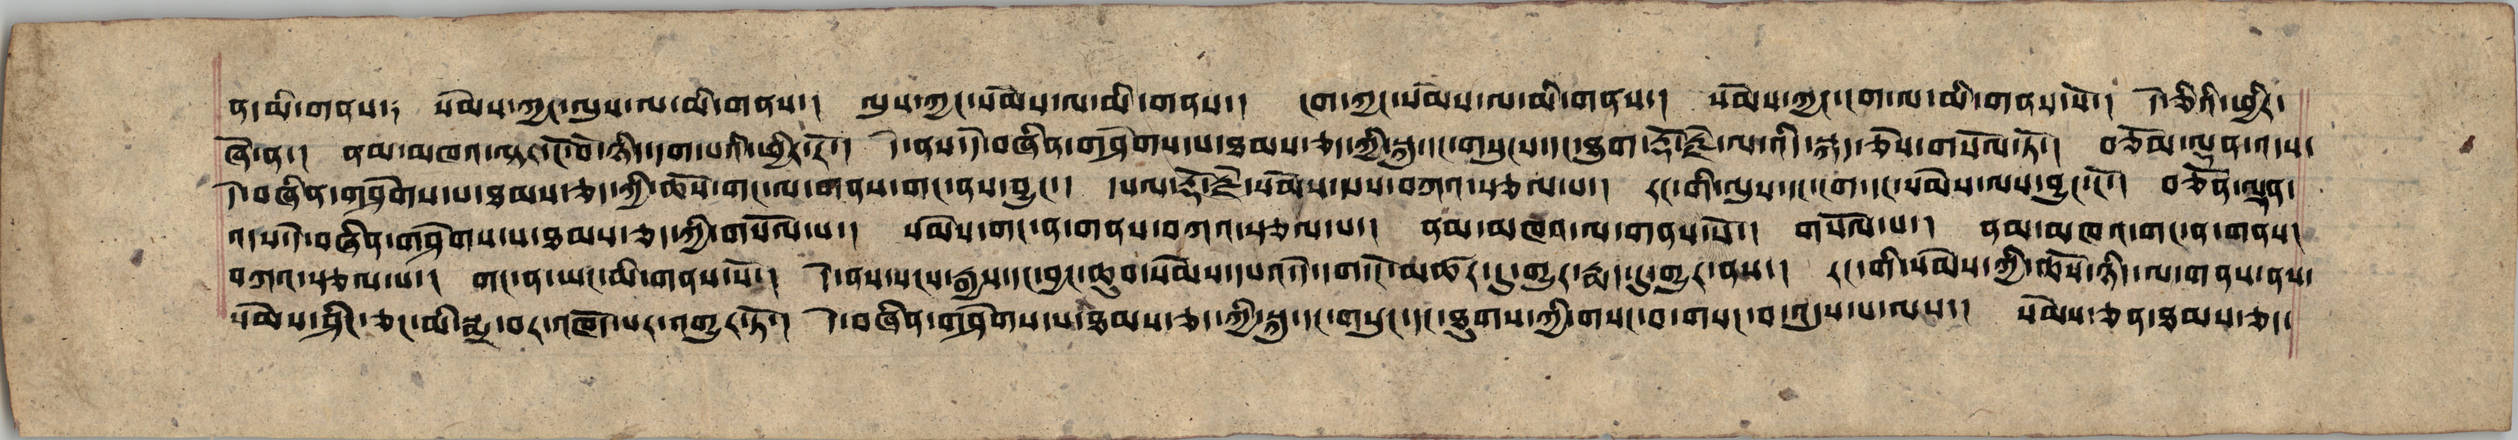ན་མི་གནས་། སེམས་ཀྱང་ལུས་ལ་མི་གནས་། ལུས་ཀྱང་སེམས་ལ་མི་གནས་། ངག་ཀྱང་སེམས་ལ་མི་གནས་། སེམས་ཀྱང་ངག་ལ་མི་གནས་སོ་། དེ་ཅིའི་ཕྱིར་
ཞེ་ན་། ནམ་མཁའ་ལྟར་ངོ་བོ་ཉིད་དག་པའི་ཕྱིར་རོ་། དེ་ནས་དེ་བཞིན་གཤེགས་པ་ཐམས་ཅད་ཀྱི་སྐུ་དང་གསུངས་དང་ཐུག་རྡོ་རྗེ་ལ་འདི་སྐད་ཅེས་གསོལ་ཏོ་། བཅོམ་ལྡན་འདས་
དེ་བཞིན་གཤེགས་པ་ཐམས་ཅད་ཀྱི་ཆོས་གང་ལ་གནས་གང་ནས་བྱུང་། དཔལ་རྡོ་རྗེ་སེམས་པས་བཀའ་སྩལ་པ་། རང་གི་ལུས་དང་ངག་དང་སེམས་ལས་བྱུང་ངོ་། བཅོམ་ལྡན་
འདས་དེ་བཞིན་གཤེགས་པ་ཐམས་ཅད་ཀྱི་གསོལ་པ་། སེམས་གང་ན་གནས་བཀའ་སྩལ་པ་། ནམ་མཁའ་ལ་གནས་སོ་། གསོལ་པ་། ནམ་མཁའ་གང་ན་གནས།
བཀའ་སྩལ་པ་། གང་ན་ཡང་མི་གནས་སོ་། དེ་ནས་སངས་རྒྱས་དང་བྱང་ཆུབ་སེམས་དཔའ་དེ་དག་ངོ་མཚར་དུ་གྱུར་རྨད་དུ་གྱུར་ནས་། རང་གི་སེམས་ཀྱི་ཆོས་ཉིད་ལ་གནས་ནས་
སེམས་ཤིང་ཅང་མི་སྨྲ་བར་འཁོད་པར་འགྱུར་ཏོ་། དེ་བཞིན་གཤེགས་པ་ཐམས་ཅད་ཀྱི་སྐུ་དང་གསུང་དང་ཐུགས་ཀྱི་གསང་བ་གསང་བ་འདུས་པ་ལས་། སེམས་ཅན་ཐམས་ཅད་